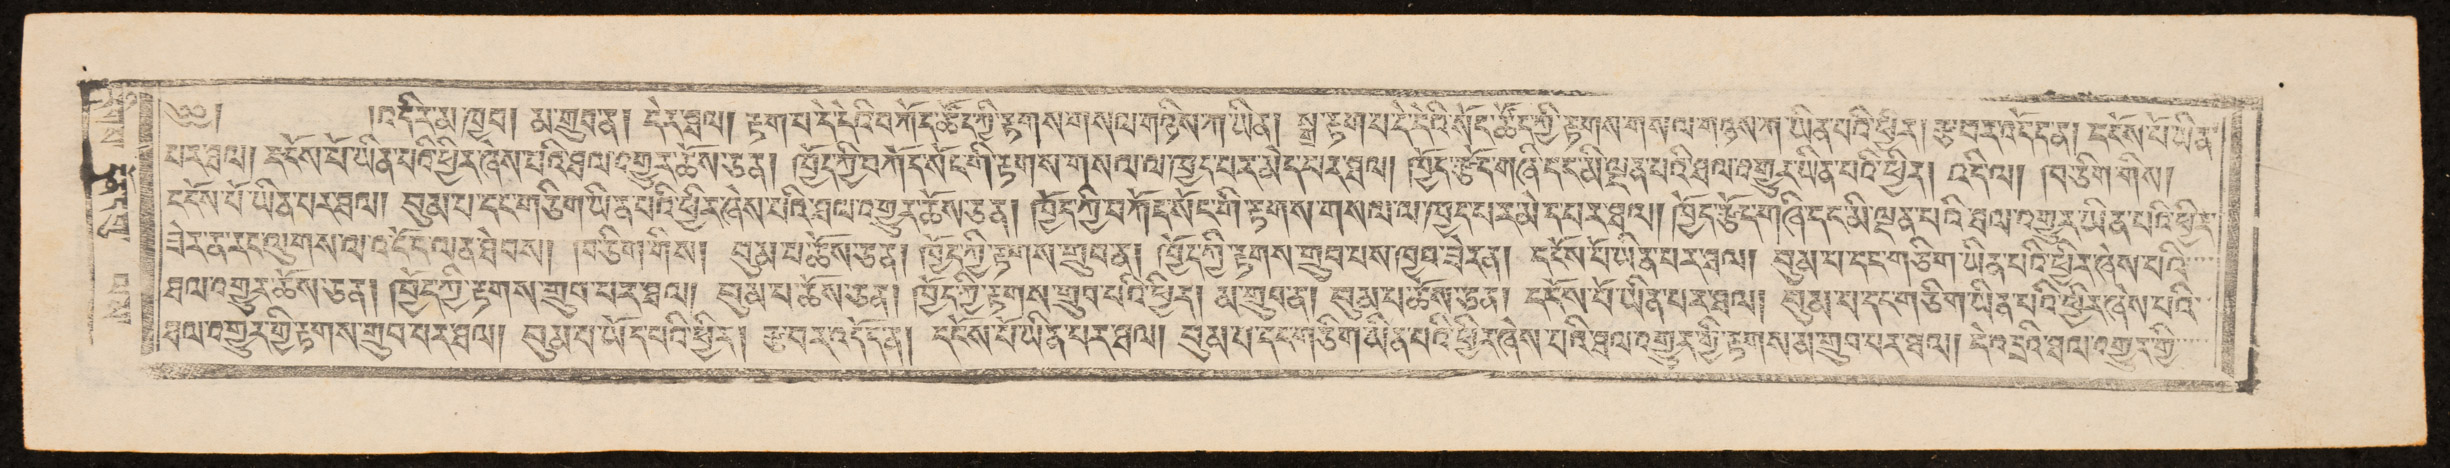༄༅། །འདིར་མ་ཁྱབ། མ་གྲུབ་ན། དེར་ཐལ། རྟག་པ་དེ་དེའི་བཀོད་ཚོད་ཀྱི་རྟགས་གསལ་གཉིས་ཀ་ཡིན། སྒྲ་རྟག་པ་དེ་དེའི་སོང་ཚོད་ཀྱི་རྟགས་གསལ་གཉིས་ཀ་ཡིན་པའི་ཕྱིར། རྩ་བར་འདོད་ན། དངོས་པོ་ཡིན་
པར་ཐལ། དངོས་པོ་ཡིན་པའི་ཕྱིར་ཞེས་པའི་ཐལ་འགྱུར་ཆོས་ཅན། ཁྱོད་ཀྱི་བཀོད་སོང་གི་རྟགས་གསལ་ལ་ཁྱད་པར་མེད་པར་ཐལ། ཁྱོད་རྩོད་གཞི་དང་མི་ལྡན་པའི་ཐལ་འགྱུར་ཡིན་པའི་ཕྱིར། འདི་ལ། ཁ་ཅིག་གིས།
དངོས་པོ་ཡིན་པར་ཐལ། བུམ་པ་དང་གཅིག་ཡིན་པའི་ཕྱིར་ཞེས་པའི་ཐལ་འགྱུར་ཆོས་ཅན། ཁྱོད་ཀྱི་བཀོད་སོང་གི་རྟགས་གསལ་ལ་ཁྱད་པར་མེད་པར་ཐལ། ཁྱོད་རྩོད་གཞི་དང་མི་ལྡན་པའི་ཐལ་འགྱུར་ཡིན་པའི་ཕྱིར་
ཟེར་ན་རང་ལུགས་ལ་འདོད་ལན་ཐེབས། ཁ་ཅིག་གིས། བུམ་པ་ཆོས་ཅན། ཁྱོད་ཀྱི་རྟགས་གྲུབ་ན། ཁྱོད་ཀྱི་རྟགས་གྲུབ་པས་ཁྱབ་ཟེར་ན། དངོས་པོ་ཡིན་པར་ཐལ། བུམ་པ་དང་གཅིག་ཡིན་པའི་ཕྱིར་ཞེས་པའི་
ཐལ་འགྱུར་ཆོས་ཅན། ཁྱོད་ཀྱི་རྟགས་གྲུབ་པར་ཐལ། བུམ་པ་ཆོས་ཅན། ཁྱོད་ཀྱི་རྟགས་གྲུབ་པའི་ཕྱིར། མ་གྲུབ་ན། བུམ་པ་ཆོས་ཅན། དངོས་པོ་ཡིན་པར་ཐལ། བུམ་པ་དང་གཅིག་ཡིན་པའི་ཕྱིར་ཞེས་པའི་
ཐལ་འགྱུར་གྱི་རྟགས་གྲུབ་པར་ཐལ། བུམ་པ་ཡོད་པའི་ཕྱིར། རྩ་བར་འདོད་ན། དངོས་པོ་ཡིན་པར་ཐལ། བུམ་པ་དང་གཅིག་ཡིན་པའི་ཕྱིར་ཞེས་པའི་ཐལ་འགྱུར་གྱི་རྟགས་མ་གྲུབ་པར་ཐལ། དེ་འདྲའི་ཐལ་འགྱུར་གྱི་